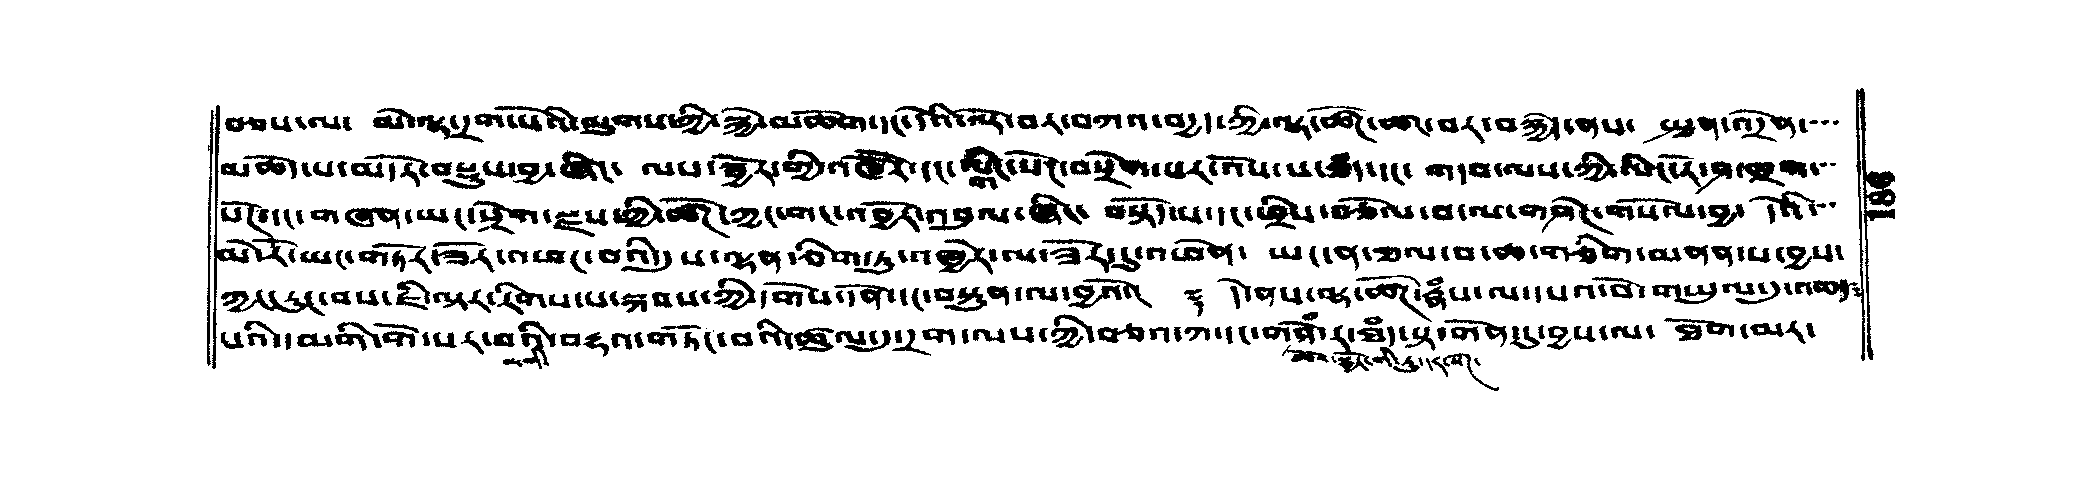བཅས་ལ། མེ་ལྷ་དྲག་གཡོའི་ལུགས་ཀྱི་སྐྱེ་མཆོག་དང་དེའི་ལྟོ་བར་བཀབ་བརྒྱད་ཀྱི་ལྷ་ཚོགས་ཚང་བར་བསྐྱེད་ནས། སྤྱན་འདྲེན་
མཆོད་པ་མདོར་བསྡུས་བྱ་ཞོིང་། ལས་སྦྱོར་གྱི་འཁོར་ལོ་དང་ལིངྒ་བསྲེག་པར་འོས་པ་ཐམས་ཅད་དང་། གདབ་ལས་ཀྱི་ལིང་རོ་ཤ་ཁག་
སོགས་དང་། གཞན་ཡང་སྲེག་རྫས་ཀྱི་ཚོགས་ཀྱང་གང་འབྱོར་འབུལ་ཞིང་། བསྟོད་པ་དང་ཕྲིན་ལས་བཅོལ་བ་ལ་གཤེགས་གསོལ་བྱ། དེའི་
མེ་རོ་ཡངགཏོར་ཟོར་འཕང་བའི་དུས་ལྷན་ཅིག་ཏུ་འཁྱེར་ལ་ཟོརདུ་འཕེན། ཡང་ན་ཐལ་བ་ཆ་གཅིག་མནན་པ་བྱས་
ཀྱང་རུང་བས་ཇི་ལྟར་རིགས་པ་སྐབས་ཀྱི་དགོས་དོན་དང་བསྟུན་ལ་བྱའོ། ༈ དེ་ནས་ལྷ་ཚོགས་རྣམས་ལ་དཔའ་བོ་གཡུལ་དུ་ཆས་
པའི་དམག་གི་གོ་སར་་་་་་་་་་་་་་་་་་་་བའི་བརྡའ་གཏོང་བའི་ཚུལ་དུ་དྲག་ལས་ཀྱི་བཅའ་ཀ་དང་གཤོམ་ར་ཆོས་སྐྱོང་གི་རུ་དར་སོགས་ཐམས་ཅད་སྟ་གོན་དུ་བྱས་ལ། ཐོག་མར་